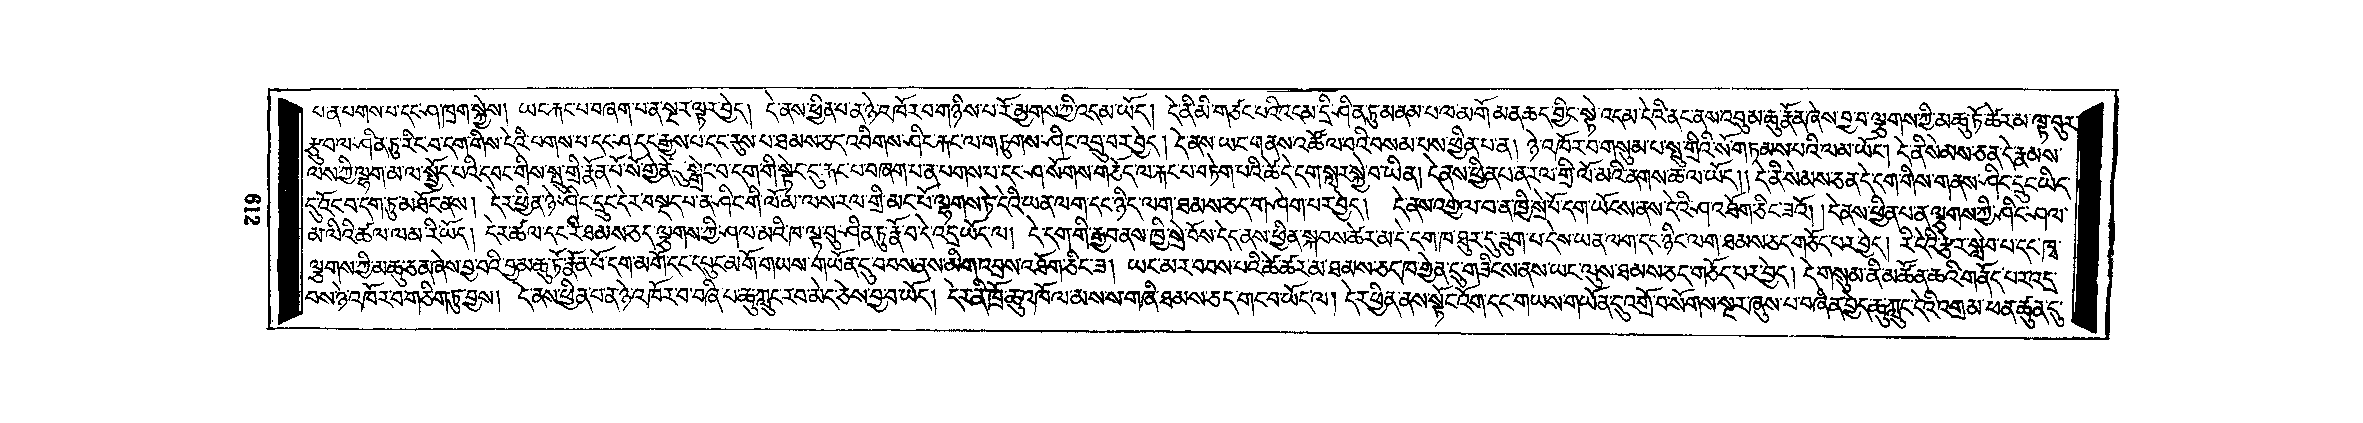པ་ན་པགས་པ་དང་ཤ་ཁྲག་སྐྱེས། ཡང་རྐང་པ་བཞག་པ་ན་སྔར་ལྟར་བྱེད། དེ་ནས་ཕྱིན་པ་ན་ཉེ་འཁོར་བ་གཉིས་པ་རོ་མྱགས་ཀྱི་འདམ་ཡོད། དེ་ནི་མི་གཙང་པའི་འདམ་དྲི་ཤིན་ཏུ་མནམ་པ་ལ་མགོ་མན་ཆད་བྱིང་སྟེ་འདམ་དེའི་ནང་ནས་འབུམ་ཆུ་རྣོན་ཞེས་བྱ་བ་ལྕགས་ཀྱི་མཆུ་ཏོ་ཚེར་མ་ལྟ་བུར་
རྩུབ་ལ་ཤིན་ཏུ་རིང་བ་དག་གིས་དེའི་པགས་པ་དང་ཤ་དང་རྒྱུས་པ་དང་རུས་པ་ཐམས་ཅད་འབིགས་ཤིང་རྐང་ལ་གཏུགས་ཤིང་འབྲུ་བར་བྱེད། དེ་ནས་ཡང་གནས་འཚོལ་བའི་བསམ་པས་ཕྱིན་པ་ན། ཉེ་འཁོར་བ་གསུམ་པ་སྤུ་གྲིའི་སོ་གཏམས་པའི་ལམ་ཡོང་། དེ་ནི་སེམས་ཅན་དེ་རྣམས་
ལས་ཀྱི་ལྷག་མ་ལ་སྤྱོད་པའི་དབང་གིས་སྤུ་གྲི་རྣོན་པོ་སོ་གྱེན་དུ་སྒྲེང་བ་དག་གི་སྟེང་དུ་རྐང་པ་བཞག་པ་ན་པགས་པ་དང་ཤ་སོགས་གཅོད་ལ་རྐང་པ་བཏེག་པའི་ཚེ་དེ་དག་སླར་སྐྱེ་བ་ཡིན། དེ་ནས་ཕྱིན་པ་ན་རལ་གྲི་ལོ་མའི་ནགས་ཚལ་ཡོད། །དེ་ནི་སེམས་ཅན་དེ་དག་གིས་གནས་ཤིང་དྲུང་ཡིད་
དུ་འོང་བ་དག་ཏུ་མཐོང་ནས། དེར་ཕྱིན་ཉེ་ཤིང་དྲུང་དེར་བསྡད་པ་ན་ཤིང་གི་ལོ་མ་ལས་རལ་གྲི་མང་པོ་ལྷགས་ཏེ་དེའི་ཡན་ལག་དང་ཉིད་ལག་ཐམས་ཅད་གཤེག་པར་བྱེད། དེ་ནས་འགྱེལ་བ་ན་ཁྱི་སྲེ་པོ་དག་ཡོངས་ནས་དེའི་ཤ་འཐོག་ཅིང་ཟའོ། །དེ་ནས་ཕྱིན་པ་ན་ལྕགས་ཀྱི་ཤིང་ཤལ་
མ་ལིའི་ཚལ་ལམ་རི་ཡོད། དེར་ཚལ་དང་རི་ཐམས་ཅད་ལྕགས་ཀྱི་ཤལ་མའི་ཁ་ལྟ་བུ་ཤིན་ཏུ་རྣོ་བ་དེ་འདྲ་ཡོད་ལ། དེ་དག་གི་རྒྱབ་ནས་ཁྱི་སྲེ་བོས་དེད་ནས་ཕྱིན་སྐབས་ཚེར་མ་དེ་དག་ཁ་ཐུར་དུ་ཟུག་པ་དེས་ཡན་ལག་དང་ཉིང་ལག་ཐམས་ཅད་གཅོད་པར་བྱེད། རི་དེའི་རྩེར་སླེབ་པ་དང་ཁྭ་
ལྕགས་ཀྱི་མཆུ་ཅན་ཞེས་བྱ་བའི་བྱ་མཆུ་ཏོ་རྣོན་པོ་དག་མགོ་དང་དཔུང་མགོ་གཡས་གཡོན་དུ་བབས་ནས་མིག་འབྲས་འཐོག་ཅིང་ཟ། ཡང་མར་བབས་པའི་ཚེ་ཚར་མ་ཐམས་ཅད་ཁ་གྱེན་དུ་གཟིངས་ནས་ཡང་ལུས་ཐམས་ཅད་གཅོད་པར་བྱེད། དེ་གསུམ་ནི་མཚོན་ཆའི་གནོད་པར་འདྲ་
བས་ཉེ་འཁོར་བ་གཅིག་ཏུ་བྱས། དེ་ནས་ཕྱིན་པ་ན་ཉེ་འཁོར་བ་བཞི་པ་ཆུ་ཀླུང་རབ་མེད་ཅེས་བྱ་བ་ཡོད། དེར་ནི་ཁྲོ་ཆུ་འཁོལ་མས་ས་གཞི་ཐམས་ཅད་གང་བ་ཡོད་ལ། དེར་ཕྱིན་ནས་སྟོང་འོག་དང་གཡས་གཡོན་དུ་འགྲོ་བ་སོགས་སྔར་ཞུས་པ་བཞིན་བྱེད་ཆུ་ཀླུང་དེའི་འགྲམ་ཕན་ཚུན་དུ་